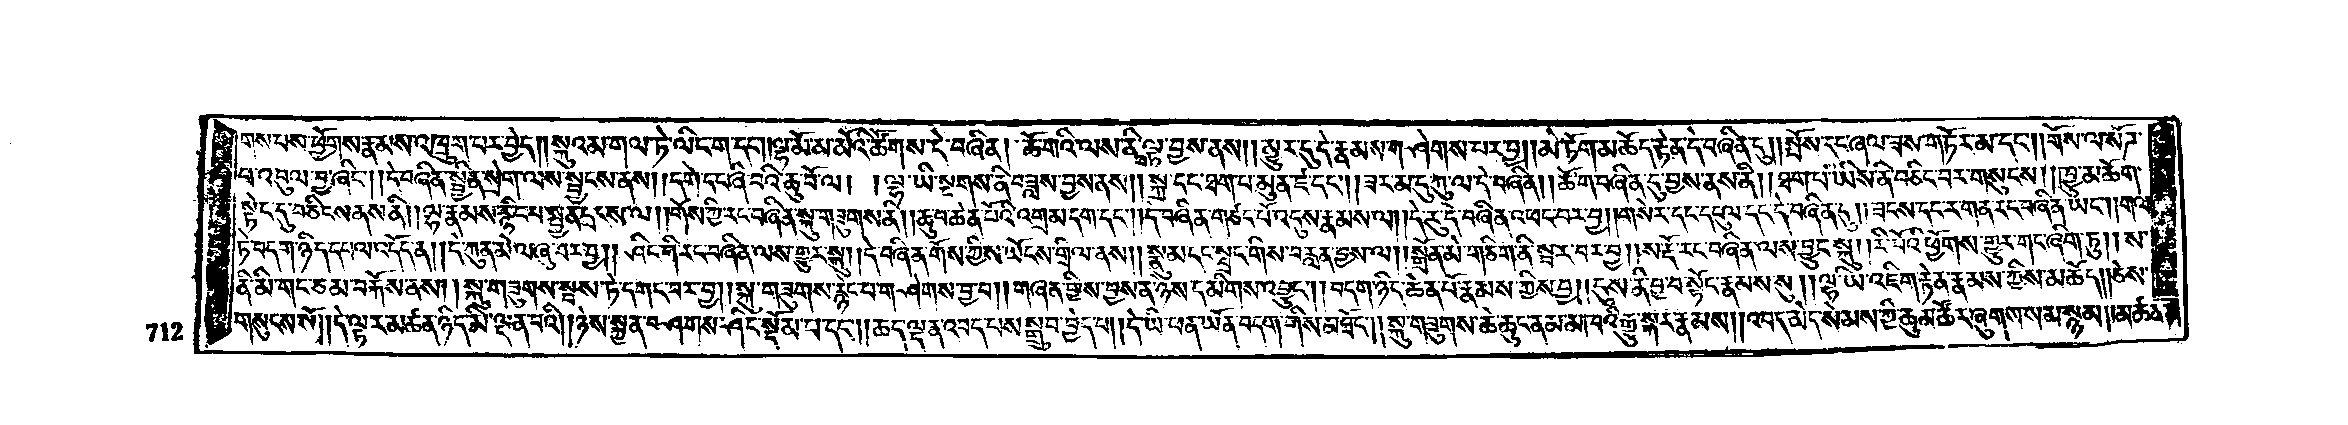གས་པས་ཕྱོགས་རྣམས་འཁྲུག་པར་བྱེད། །སྐུའམ་གལ་ཏེ་ལིང་ག་དང་། །ལྷ་མོ་མ་མོའི་ཚོགས་དེ་བཞིན། ཆོ་གའི་ལས་ནི་བལྟ་བྱས་ནས། །མྱུར་དུ་དེ་རྣམས་གཤེགས་པར་བྱ། །མེ་ཏོག་མཆོད་རྟེན་དེ་བཞིན་དུ། །སྤོས་དང་ཞལ་ཟས་གཏོར་མ་དང་། །གོས་ལ་སོགས་
པ་འབུལ་བྱ་ཞིང་། །དེ་བཞིན་སྦྱིན་སྲེག་ལས་སྦྱངས་ནས། །དགེ་དང་ཞི་བའི་ཆུ་བོ་ལ། །ལྷ་ཡི་སྔགས་ནི་བཟླས་བྱས་ནས། །སྐྲ་དང་ཐག་པ་མུན་ཛ་དང་། །ཟར་མ་དུ་ཀུ་ལ་དེ་བཞིན། །ཆོ་ག་བཞིན་དུ་བྱས་ནས་ནི། །ཐག་པ་ཡིས་ནི་བཅིང་བར་གསུངས། །ཁྱུ་མཆོག་
སྟེང་དུ་བཅིངས་ནས་ནི། །ལྷ་རྣམས་རྙིང་པ་སྤྱན་དྲངས་ལ། །གོས་ཀྱི་རང་བཞིན་སྐུ་གཟུགས་ནི། །ཆུ་བ་ཆེན་པོའི་འགྲམ་དག་དང་། །དེ་བཞིན་གཙང་པོ་འདུས་རྣམས་ལ། །དེ་རུ་དེ་བཞིན་འཕང་བར་བྱ། །གསེར་དང་དངུལ་དང་དེ་བཞིན་དུ། །ཟངས་དང་ར་གན་རང་བཞིན་ཡང་། །གལ་
ཏེ་བདག་ཉིད་དཔལ་འདོད་ན། །དེ་ཀུན་མེ་ལ་ཞུ་བར་བྱ། །ཤིང་གི་རང་བཞིན་ལས་གྱུར་སྐུ། །དེ་བཞིན་གོས་ཀྱིས་ཡོངས་གྲིལ་ནས། །སྣུམ་དང་སྤྲང་གིས་བརླན་བྱས་ལ། །སྒྲོན་མེ་གཅིག་ནི་སྦར་བར་བྱ། །ས་རྡོ་རང་བཞིན་ལས་བྱུང་སྐུ། །རི་པོའི་ཕྱོགས་གྱུར་གང་ཞིག་ཏུ། །ས་
ནི་མི་གང་ཙམ་བརྐོས་ནས། །སྐུ་གཟུགས་སྦས་ཏེ་དགང་བར་བྱ། །སྐུ་གཟུགས་རྙེང་པ་གཤེགས་བྱ་བ། །གཞན་གྱིས་བྱས་ན་ཉེས་དམིགས་འབྱུང་། །བདག་ཉིད་ཆེན་པོ་རྣམས་ཀྱིས་བྱ། །དུས་ནི་བྱ་བ་སྟོང་རྣམས་སུ། །ལྷ་ཡི་འཇིག་རྟེན་རྣམས་ཀྱིས་མཆོད། །ཅེས་
གསུངས་སོ། །དེ་ལྟར་མཚན་ཉིད་མི་ལྡན་པའི། །ཉེས་སྐྱན་བཤགས་ཤིང་སྡོམ་པ་དང་། །ཆད་ལྡན་འབད་པས་སྒྲུབ་བྱེད་པ། །དེ་ཡི་ཕན་ཡོན་བདག་གིས་མཐོང་། །སྐུ་གཟུགས་ཆེ་ཆུང་ནམ་མཁའི་རྒྱུ་སྐར་རྣམས། །འབད་མེད་སེམས་ཀྱི་ཆུ་མཚོར་ཞུགས་སམ་སྙམ། །མཚན་